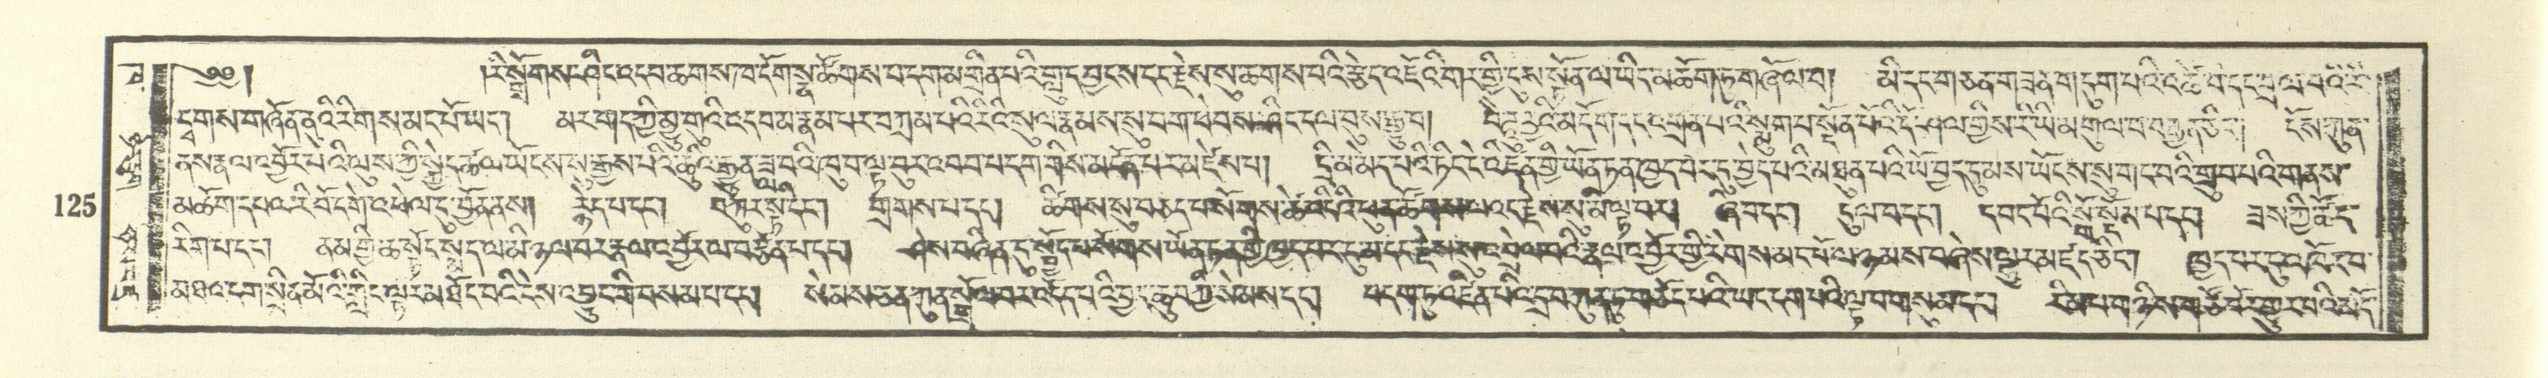༄༅། །རི་སྒྲོགས་ཤིང་འདབ་ཆགས་ཁ་དོག་སྣ་ཚོགས་པ་དག་མགྲིན་པའི་གླུ་དབྱངས་དང་རྗེས་སུ་ཆགས་པའི་རྩེད་འཇོའི་གར་གྱི་དུས་སྟོན་ལ་ཡིད་མཆོག་ཏུ་གཞོལ་བ། མི་དང་གཅན་གཟན་གདུག་པའི་འཚེ་བ་དང་བྲལ་པའི་རི་
དྭགས་གཞོན་ནུའི་རིགས་མང་པོ་ཡང་། མར་གད་ཀྱི་མྱུ་གུའི་འདབ་མ་རྣམ་པར་བཀྲམ་པའི་རིའི་སུལ་རྣམས་སུ་བག་ཕེབས་ཤིང་དལ་བུས་རྒྱུ་བ། བཻ་ཌཱུརྱའི་མདོག་དང་འགྲན་པའི་སྨུག་པ་སྔོན་པོའི་དོ་ཤལ་གྱིས་རི་ཡི་མགུལ་བ་བརྒྱན་ཅིང་། ངོས་ཀུན་
ནས་རྣལ་འབྱོར་པའི་ལུས་ཀྱི་སྐྱེད་ཚལ་ཡོངས་སུ་རྒྱས་པའི་ཆུའི་རྒྱུན་ཟླ་བའི་ཁུ་བ་ལྟ་བུར་འབབ་པ་དག་གིས་མངོན་པར་མཛེས་པ། དྲི་མ་མེད་པའི་ཏིང་ངེ་འཛིན་གྱི་ཡོན་ཏན་ཁྱད་པར་དུ་བྱེད་པའི་མཐུན་པའི་ཡོ་བྱད་དུ་མས་ཡོངས་སུ་གང་བའི་གྲུབ་པའི་གནས་
མཆོག་དཔལ་རི་བོ་དགེ་འཕེལ་དུ་བྱོན་ནས། རྙེད་པ་དང་། བཀུར་སྟི་དང་། གྲགས་པ་དང་། ཚིགས་སུ་བཅད་པ་སོགས་ཚེ་འདིའི་ཕུན་ཚོགས་ལའང་རྗེས་སུ་མི་ལྟ་བར། ཞི་བ་དང་། དུལ་བ་དང་། དབང་པོའི་སྒོ་སྡོམ་པ་དང་། ཟས་ཀྱི་ཚོད་
རིག་པ་དང་། ནམ་གྱི་ཆ་སྟོད་སྨད་ལ་མི་ཉལ་བར་རྣལ་འབྱོར་ལ་བརྩོན་པ་དང་། ཤེས་བཞིན་དུ་སྤྱོད་པ་སོགས་ཡོན་ཏན་གྱི་ཁྱད་པར་དུ་མ་དང་རྗེས་སུ་འབྲེལ་བའི་རྣལ་འབྱོར་གྱི་རིགས་མང་པོ་ལ་ཉམས་བཞེས་ལྷུར་མཛད་ཅིང་། ཁྱད་བར་དུ་འཁོར་བ་
མཐའ་དག་སྲིན་མོའི་གླིང་ལྟར་མཐོང་བའི་ངེས་འབྱུང་གི་བསམ་པ་དང་། སེམས་ཅན་ཀུན་སྒྲོལ་བར་འདོད་པའི་བྱང་ཆུབ་ཀྱི་སེམས་དང་། བདག་ཏུ་འཛིན་པའི་འདྲ་བ་ཀུན་ཏུ་གཅོད་པའི་ཡང་དག་པའི་ལྟ་བ་གསུམ་དང་། རིམ་པ་གཉིས་གཙོ་བོར་གྱུར་པའི་མདོ་